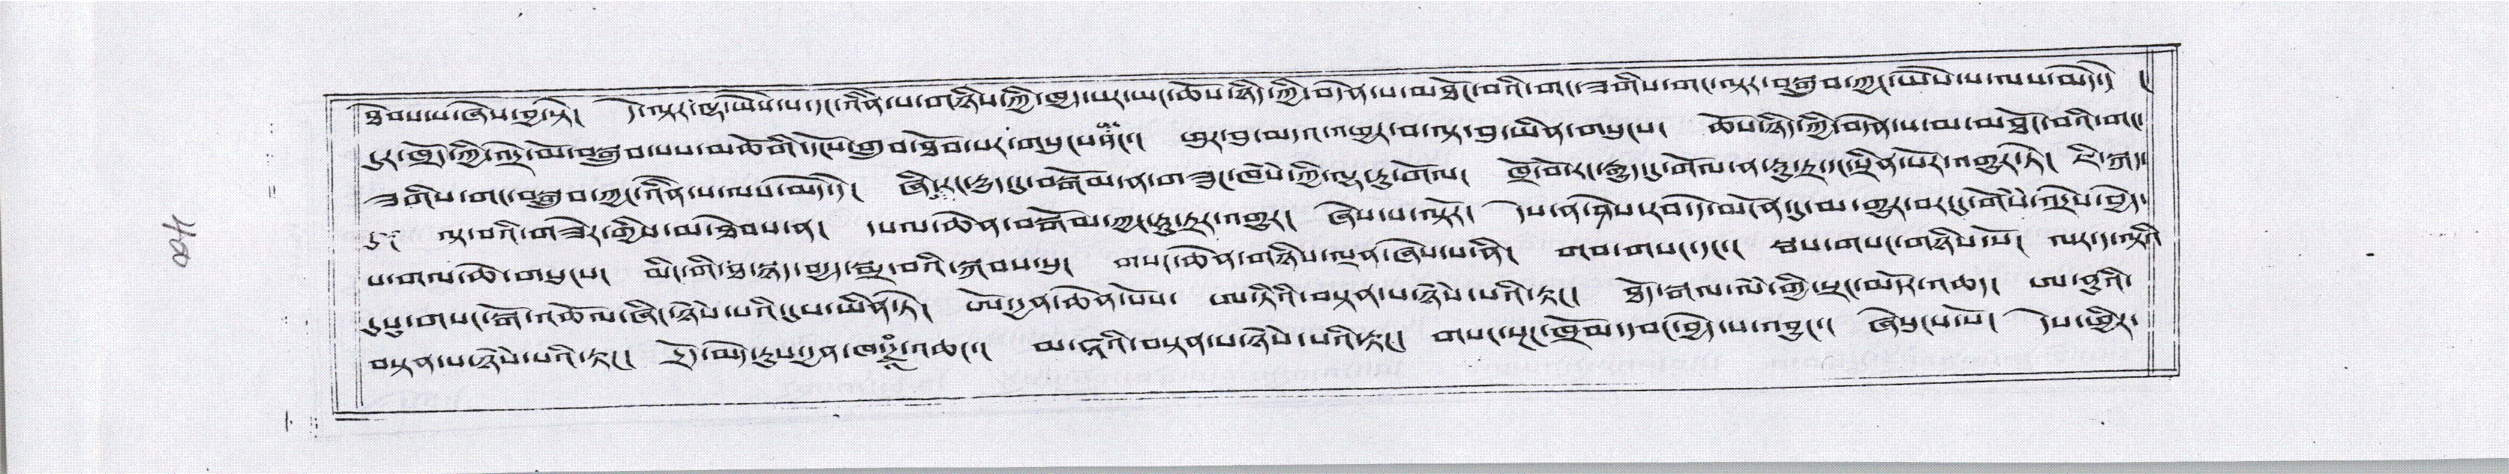ཐེབ་པ་ཞེས་བྱ་སྟེ། དེ་ལྟར་ལྷ་ཡེ་ཤེས་པ་དང་འཇིག་རྟེན་པ་གཉིས་ཀྱི་ཁྱད་པར་ཡང་ཆོས་ཉིད་ཀྱི་བདེན་པ་མཐོང་བའི་གང་ཟག་གིས་གང་ལྟར་བསྒྲུབ་ཀྱང་ཡེ་ཤེས་པ་ལས་མེད་དེ། 
དུར་ཁྲོད་ཀྱི་འདྲེ་མོ་བསྒྲུབ་པས་མཆོག་གི་དངོས་གྲུབ་ཐོབ་པར་གསུངས་པ་དང་། ཕུར་བུ་མདའ་འཕྱར་བ་ལྟ་བུ་ཡིན་གསུངས། ཆོས་ཉིད་ཀྱི་བདེན་པ་མ་མཐོང་བའི་གང་
ཟག་གིས་གང་བསྒྲུབ་ཀྱང་འཇིག་རྟེན་པ་ལས་མེད་དེ། ཞི་བ་རང་རྒྱུད་དུ་བསྒྲུབས་ན་གཟུགས་ཁམས་ཀྱི་ལྷ་རུ་གོལ། ཁྲོ་བོ་རང་རྒྱུད་དུ་བསྒོམ་ན་རུ་ཏྲ་དང་སྲིན་པོར་འགྱུར་ཏེ། ཇི་སྐད་
དུ། ལྟ་བའི་གཟེར་གྱིས་མ་ཐེབས་ན། དཔལ་ཆེན་བསྒོམ་ཀྱང་རུ་ཏྲར་འགྱུར། ཞེས་པ་ལྟར་རོ། དེས་ན་ཤེས་རབ་དེ་མངོན་དུ་མ་གྱུར་བར་དུ་གོམས་འདྲིས་བྱེད་
པ་གལ་ཆེ་གསུངས། མིང་གི་ཐ་སྙད་བརྒྱད་སྨྲ་བའི་སྐབས་སུ། གསང་ཆེན་གཉིས་ལྡན་ཞེས་པ་ནི། གབ་གསང་དང་སྦས་གསང་གཉིས་སོ། ལར་ད་ལྟའི་
དུས་སུ་གསང་སྒོ་འཆོལ་ཞིང་ཉམས་པའི་དུས་ཡིན་ཏེ། ཨོ་རྒྱན་ཆེན་པོས། ཨ་ཏིའི་བསྟན་པ་ཉམས་པའི་རྟགས། ཐོད་རྒལ་ལམ་གྱི་རྡང་མདོར་འཆད། ཨ་ནུའི་
བསྟན་པ་ཉམས་པའི་རྟགས། དྲོད་མེད་རུས་རྒྱན་ཁ་ཊཾ་འཆང་། མ་ཧཱའི་བསྟན་པ་ཉམས་པའི་རྟགས། གསང་སྔགས་ཁྲོམ་དབང་བྱེད་པ་འབྱུང་། ཞེས་གསུངས་སོ། དེའི་ཕྱིར་